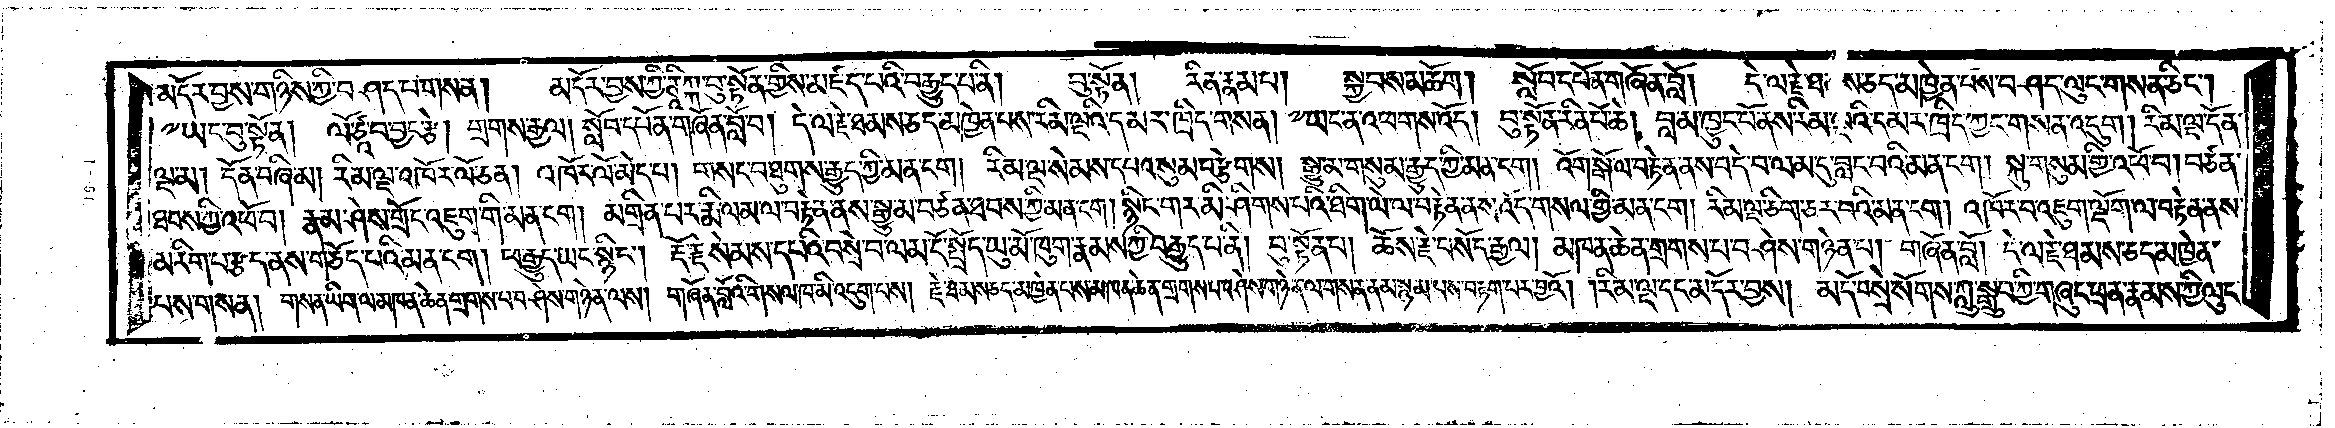མདོར་བྱས་གཉིས་ཀྱི་བཤད་པ་གསན། མདོར་བྱས་ཀྱི་ཊཱིཀྐ་བུ་སྟོན་གྱིས་མཛད་པའི་བརྒྱུད་པ་ནི། བུ་སྟོན། རིན་རྣམ་པ། སྐྱབས་མཆོག། སློབ་དཔོན་གཞོན་བློ། དེ་ལ་རྗེ་ཐམས་ཅད་མཁྱེན་པས་བཤད་ལུང་གསན་ཅིང་།
༧་ཡང་བུ་སྟོན། ལོ་ཙཱ་བ་བྱང་རྩེ། གྲགས་རྒྱལ། སློབ་དཔོན་གཞོན་བློ་བ། དེ་ལ་རྗེ་ཐམས་ཅད་མཁྱེན་པས་རིམ་ལྔའི་དམར་ཁྲིད་གསན། ༧་ཡང་ན་ཕགས་འོད། བུ་སྟོན་རིན་པོ་ཆེ། བླ་མ་ཁྱུང་པོ་ནས་རིམ་ལྔའི་དམར་ཁྲིད་ཀྱང་གསན་འདུག། རིམ་ལྔ་དོན་
ལྔ་མ། དོན་བཞི་མ། རིམ་ལྔ་འཁོར་ལོ་ཅན། འཁོར་ལོ་མེད་པ། གསང་བ་ཐུགས་རྒྱུད་ཀྱི་མན་ངག། རིམ་ལྔ་སེམས་དཔའའ་སུམ་བརྩེགས། སྒྱུ་མ་གསུམ་རྒྱུད་ཀྱི་མན་ངག། འོག་སྒོ་ལ་བརྟན་ནས་བདེ་བ་ལམ་དུ་བཟང་བའི་མན་ངག། སྐུ་གསུམ་གྱི་འཕོ་བ། བཙན་
ཐབས་ཀྱི་འཕོ་བ། རྣམ་ཤེས་གྲོང་འཇུག་གི་མན་ངག། མགྲིན་པར་རྨི་ལམ་ལ་བརྟེན་ནས་སྒྱུ་མ་བཙན་ཐབས་ཀྱི་མན་ངག། སྙིང་གར་མི་ཤིགས་པའི་ཐིག་ལེ་ལ་བརྟན་ནས་འོད་གསལ་གྱི་མན་ངག། རིམ་ལྔ་ཅིག་ཅར་བའི་མན་ངག། འཁོར་བ་འཇུག་ལྡོག་ལ་བརྟེན་ནས་
མ་རིག་པ་རྩད་ནས་གཅོད་པའི་མན་ངག། ཕ་རྒྱུད་ཡང་སྙིང་། རྡོ་རྗེ་སེམས་དཔའི་བསྲེ་བ་ལམ་ངོ་སྤྲོད་ཡུ་མོ་ཁུག་རྣམས་ཀྱི་བརྒྱུད་པ་ནི། བུ་སྟོན་པ། ཆོས་རྗེ་བསོད་རྒྱལ། མཁན་ཆེན་གྲགས་པ་བཤེས་གཉེན་པ། གཞོན་བློ། དེ་ལ་རྗེ་ཐམས་ཅད་མཁྱེན་
པས་གསན། གསན་ཡིག་ལ་མཁན་ཆེན་གྲགས་པ་བཤེས་གཉེན་ལས། གཞོན་བློའི་གསལ་ཁ་མི་འདུག་པས། རྗེ་ཐམས་ཅད་མཁྱེན་པས་མཁན་ཆེན་གྲགས་པ་བཤེས་གཉེན་ལ་གསན་ནམ་སྙམ་པས་བརྟག་པར་བྱའོ། །རིམ་ལྔ་དང་མདོར་བྱས། མདོ་བསྲེ་སོགས་ཀླུ་སྒྲུབ་ཀྱི་གཞུང་ཕྲན་རྣམས་ཀྱི་ལུང་